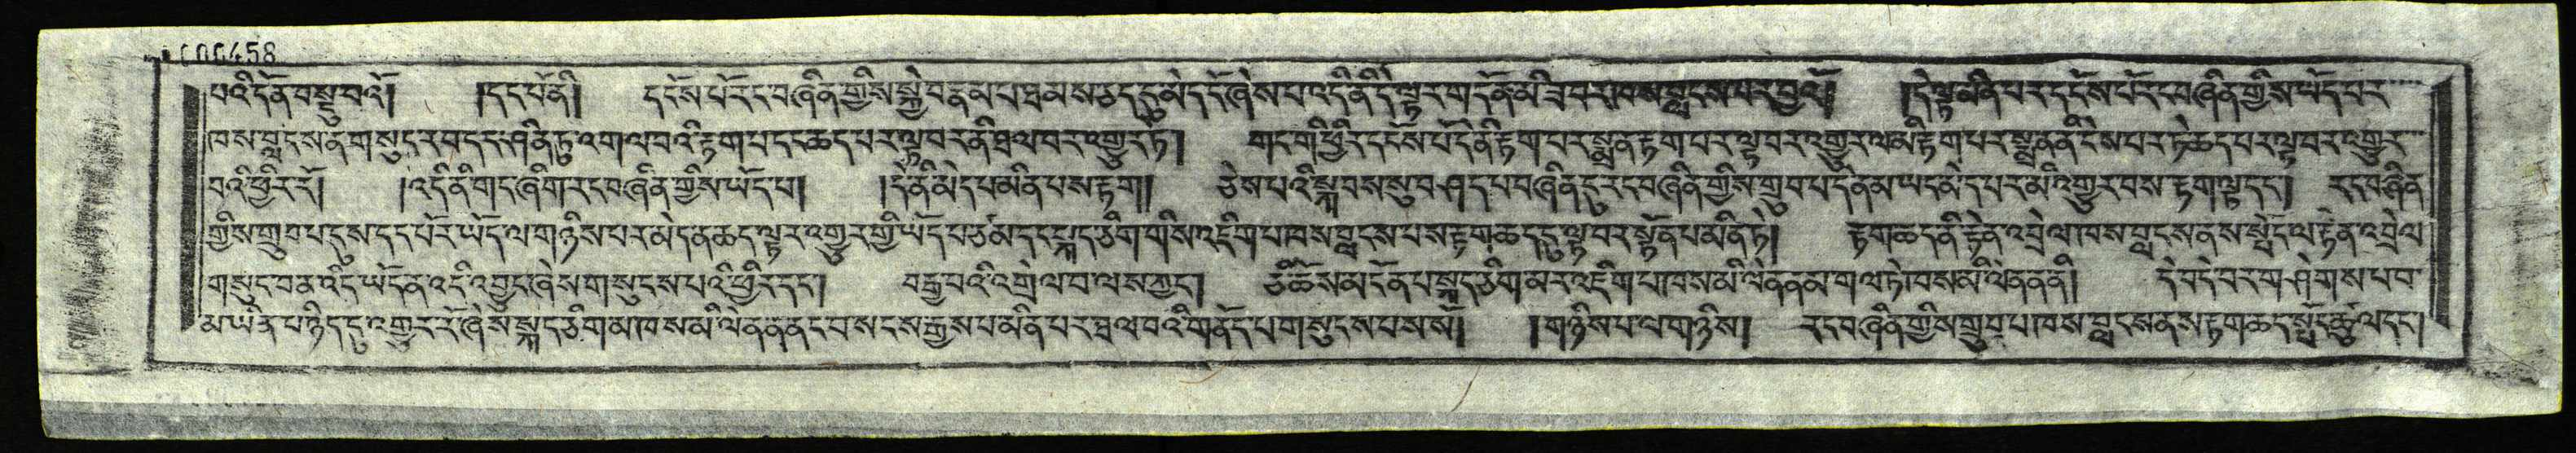པའི་དོན་བསྡུ་བའོ། །དང་པོ་ནི། དངོས་པོ་རང་བཞིན་གྱིས་སྐྱེ་བ་རྣམ་པ་ཐམས་ཅད་དུ་མེད་དོ་ཞེས་པ་འདི་ནི་དེ་ལྟར་གདོན་མི་ཟ་བར་ཁས་བླངས་པར་བྱའོ། །དེ་ལྟ་མིན་པར་དངོས་པོ་རང་བཞིན་གྱིས་ཡོད་པར་
ཁས་བླངས་ན་གསུང་རབ་དང་ཤིན་ཏུ་འགལ་བའི་རྟག་པ་དང་ཆད་པར་ལྟ་བར་ནི་ཐལ་བར་འགྱུར་ཏེ། གང་གི་ཕྱིར་དངོས་པོ་དེ་ནི་རྟག་པར་སྨྲ་ན་རྟག་པར་ལྟ་བར་འགྱུར་ལ་མི་རྟག་པར་སྨྲན་ནི་ངེས་པར་ཏེ་ཆད་པར་ལྟ་བར་འགྱུར་
བའི་ཕྱིར་རོ། །འདི་ནི་གང་ཞིག་རང་བཞིན་གྱིས་ཡོད་པ། །དེ་ནི་མེད་པ་མིན་པས་རྟག། ཅེས་པའི་སྐབས་སུ་བཤད་པ་བཞིན་དུ་རང་བཞིན་གྱིས་གྲུབ་པ་དེ་ནམ་ཡང་མེད་པར་མི་འགྱུར་བས་རྟག་ལྟ་དང་། རང་བཞིན་
གྱིས་གྲུབ་པ་དུས་དང་པོར་ཡོད་ལ་གཉིས་པར་མེད་ན་ཆད་ལྟར་འགྱུར་གྱི་ཡོད་པ་ཙམ་དང་སྐད་ཅིག་གིས་འཇིག་པ་ཁས་བླངས་པས་རྟག་ཆད་དུ་ལྟ་བར་སྟོན་པ་མིན་ཏེ། རྟག་ཆད་ནི་རྟེན་འབྲེལ་ཁས་བླངས་ནས་སྤོང་ལ་རྟེན་འབྲེལ་
གསུང་བ་ན་འདི་ཡོད་ན་འདི་འབྱུང་ཞེས་གསུངས་པའི་ཕྱིར་དང་། བརྒྱ་བའི་འགྲེལ་བ་ལས་ཀྱང་། ཅི་ཆོས་མངོན་པ་སྐད་ཅིག་མར་འཇིག་པ་ཁས་མི་ལེན་ནམ་གལ་ཏེ་ཁས་མི་ལེན་ན་ནི། དེ་བདེ་བར་གཤེགས་པ་བ་
མ་ཡིན་པ་ཉིད་དུ་འགྱུར་རོ་ཞེས་སྐད་ཅིག་མཁས་མི་ལེན་ན་ནང་བ་སངས་རྒྱས་པ་མིན་པར་ཐལ་བའི་གནོད་པ་གསུངས་པས་སོ། །གཉིས་པ་ལ་གཉིས། རང་བཞིན་གྱིས་གྲུབ་པ་ཁས་བླངས་ནས་རྟག་ཆད་སྤོང་ཚུལ་དང་།